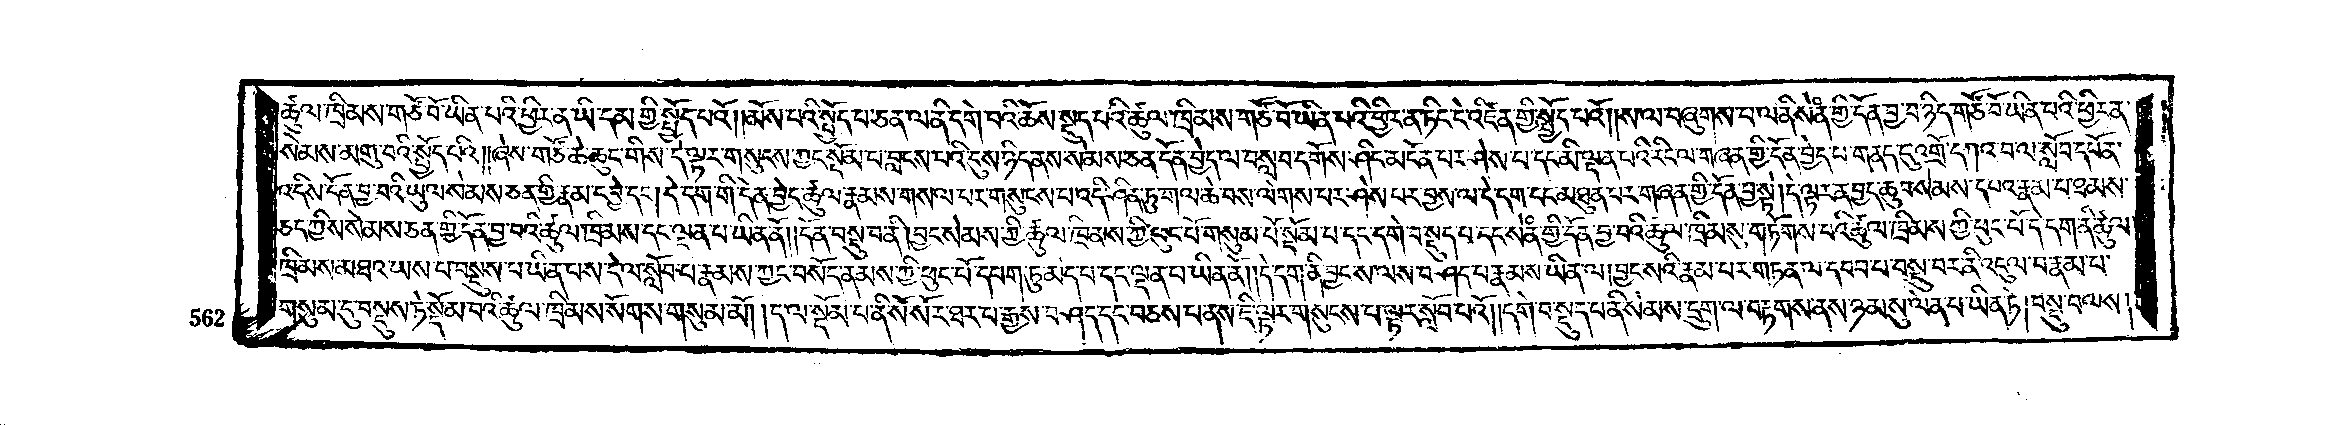ཚུལ་ཁྲིམས་གཙོ་བོ་ཡིན་པའི་ཕྱིར་ན་ཡི་དམ་གྱི་སྤྱོད་པའོ། །མོས་པའི་སྤྱོད་པ་ཅན་ལ་ནི་དགེ་བའི་ཆོས་སྡུད་པའི་ཚུལ་ཁྲིམས་གཙོ་བོ་ཡིན་པའི་ཕྱིར་ན་ཏིང་ངེ་འཛིན་གྱི་སྤྱོད་པའོ། །ས་ལ་བཞུགས་པ་ལ་ནི་སེམས་ཅན་གྱི་དོན་བྱ་བ་ཉིད་གཙོ་བོ་ཡིན་པའི་ཕྱིར་ན་
སེམས་མགུ་བའི་སྤྱོད་པའི། །ཞེས་གཙོ་ཆེ་ཆུང་གིས་དེ་ལྟར་གསུངས་ཀྱང་སྡོམ་པ་བླངས་པའི་དུས་ཉིད་ནས་སེམས་ཅན་དོན་བྱེད་ལ་བསླབ་དགོས་ཤིང་མངོན་པར་ཤེས་པ་དང་མི་ལྡན་པའི་རིང་ལ་གཞན་གྱི་དོན་བྱེད་པ་གནད་དུ་འགྲོ་དཀའ་བ་ལ་སློབ་དཔོན་
འདིས་དོན་བྱ་བའི་ཡུལ་སེམས་ཅན་གྱི་རྣམ་དབྱེ་དང་། དེ་དག་གི་དོན་བྱེད་ཚུལ་རྣམས་གསལ་པར་གསུངས་པ་འདི་ཤིན་ཏུ་གལ་ཆེ་བས་ལེགས་པར་ཤེས་པར་བྱས་ལ་དེ་དག་དང་མཐུན་པར་གཞན་གྱི་དོན་བྱ་སྟེ། དེ་ལྟར་ན་བྱང་ཆུབ་སེམས་དཔའ་རྣམ་པ་ཐམས་
ཅད་ཀྱིས་སེམས་ཅན་གྱི་དོན་བྱ་བའི་ཚུལ་ཁྲིམས་དང་ལྡན་པ་ཡིན་ནོ། །དོན་བསྡུ་བ་ནི། བྱང་སེམས་ཀྱི་ཚུལ་ཁྲིམས་ཀྱི་ཕུང་པོ་གསུམ་པོ་སྡོམ་པ་དང་དགེ་བ་སྡུད་པ་དང་སེམས་ཅན་གྱི་དོན་བྱ་བའི་ཚུལ་ཁྲིམས་སུ་གཏོགས་པའི་ཚུལ་ཁྲིམས་ཀྱི་ཕུང་པོ་དེ་དག་ནི་ཚུལ་
ཁྲིམས་མཐའ་ཡས་པ་བསྡུས་པ་ཡིན་པས་དེ་ལ་སློབ་པ་རྣམས་ཀྱང་བསོད་ནམས་ཀྱི་ཕུང་པོ་དཔག་ཏུ་མེད་པ་དང་ལྡན་པ་ཡིན་ནོ། །དེ་དག་ནི་བྱང་ས་ལས་བཤད་པ་རྣམས་ཡིན་ལ། བྱང་སའི་རྣམ་པར་གཏན་ལ་དབབ་པ་བསྡུ་བར་ནི་འདུལ་བ་རྣམ་པ་
གསུམ་དུ་བསྡུས་ཏེ་སྡོམ་པའི་ཚུལ་ཁྲིམས་སོགས་གསུམ་མོ། །དེ་ལ་སྡོམ་པ་ནི་སོ་སོར་ཐར་པ་རྒྱས་བཤད་དང་བཅས་པ་ནས་ཇི་ལྟར་གསུངས་པ་ལྟར་སློབ་པའོ། །དགེ་བ་སྡུད་པ་ནི་སེམས་དྲུག་ལ་བརྟགས་ནས་ཉམས་སུ་ལེན་པ་ཡིན་ཏེ། བསྡུ་བ་ལས།